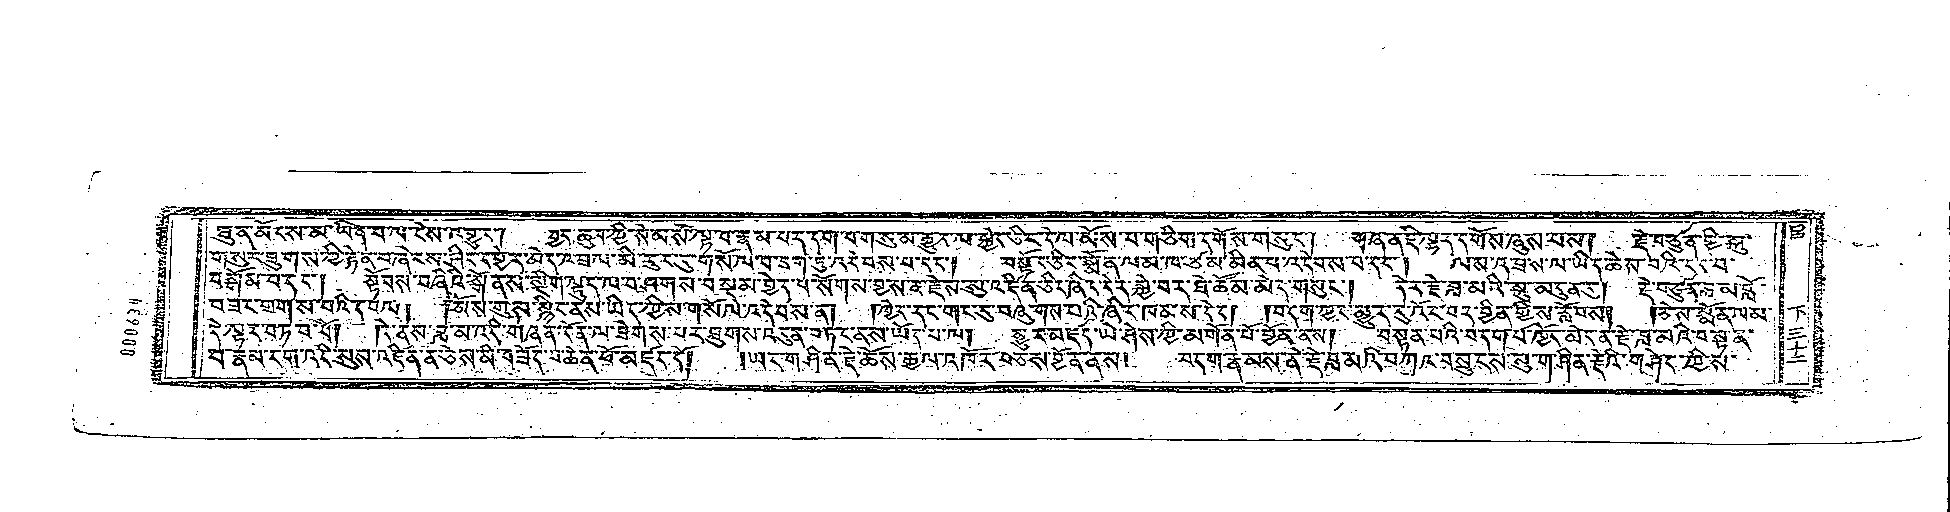ཐུན་མོངས་མ་ཡིན་པ་ལ་ངེས་འབྱུང་། བྱང་ཆུབ་ཀྱི་སེམས་ལྟ་བ་རྣམ་པར་དག་བ་གསུམ་རྒྱུད་ལ་སྐྱེད་ཅིང་དེ་ལ་མོས་པ་གཅིག་དགོས་གསུང་། གཞན་ཇི་ལྟར་དགོས་ཞུས་པས། རྗེ་བཙུན་གྱི་སྐུ་
གསུང་ཐུགས་ཀྱི་རྟེན་བཞེངས་ཤིང་དབྱེར་མེད་འབྲལ་མི་རུང་དུ་གསོལ་བ་དྲག་ཏུ་འདེབས་པ་དང་། བསྟོད་ཅིང་སྨོན་ལམ་ཁ་ཙམ་མིན་པ་འདེབས་པ་དང་། ལས་འབྲས་ལ་ཡིད་ཆེས་པའི་དད་བ་
བསྒོམ་པ་དང་། སྟོབས་བཞིའི་སྒོ་ནས་སྡིག་ལྟུང་ལ་བཤགས་བསྡམ་བྱེད་པ་སོགས་བྱས་ན་རྗེས་སུ་འཛིན་ཅིང་ཞིང་དེར་སྐྱེ་བར་ཐེ་ཚོམ་མེད་གསུང་། དེར་རྗེ་བླ་མའི་སྐུ་མདུན་དུ། རྗེ་བཙུན་བླ་མ་བློ་
བཟང་གྲགས་པའི་དཔལ། །མོས་གུས་སྙིང་ནས་ཡིད་ཀྱིས་གསོལ་འདེབས་ན། །ཁྱེད་རང་གང་དུ་བཞུགས་པའི་ཞིང་ཁམས་དེར། །བདག་ཀྱང་མྱུར་དུ་འོང་བར་བྱིན་གྱིས་རློབས། །ཅེས་སྨོན་ལམ་
དེ་ལྟར་བཏབ་བོ། །དེ་ནས་བླ་མ་འདི་གཞན་དོན་ལ་ཐེགས་པར་ཐུགས་འདུན་བཏང་ནས་ཡོད་པ་ལ། མྱུར་མཛད་ཡེ་ཤེས་ཀྱི་མགོན་པོ་བྱོན་ནས། བསྟན་པའི་བདག་པོ་ཁྱོད་མེད་ན་རྗེ་བླ་མའི་བསྟན་
བ་རྣམ་དག་འདི་སུས་འཛིན་ན་ཅེས་མི་བཟོད་པ་ཆེན་པོ་མཛད་དོ། །ཡང་གཤིན་རྗེ་ཆོས་རྒྱལ་འཁོར་བཅས་བྱོན་ནས། བདག་རྣམས་ནི་རྗེ་བླ་མའི་བཀའ་བསྲུངས་སུ་གཤིན་རྗེའི་གཤེད་ཀྱིས་